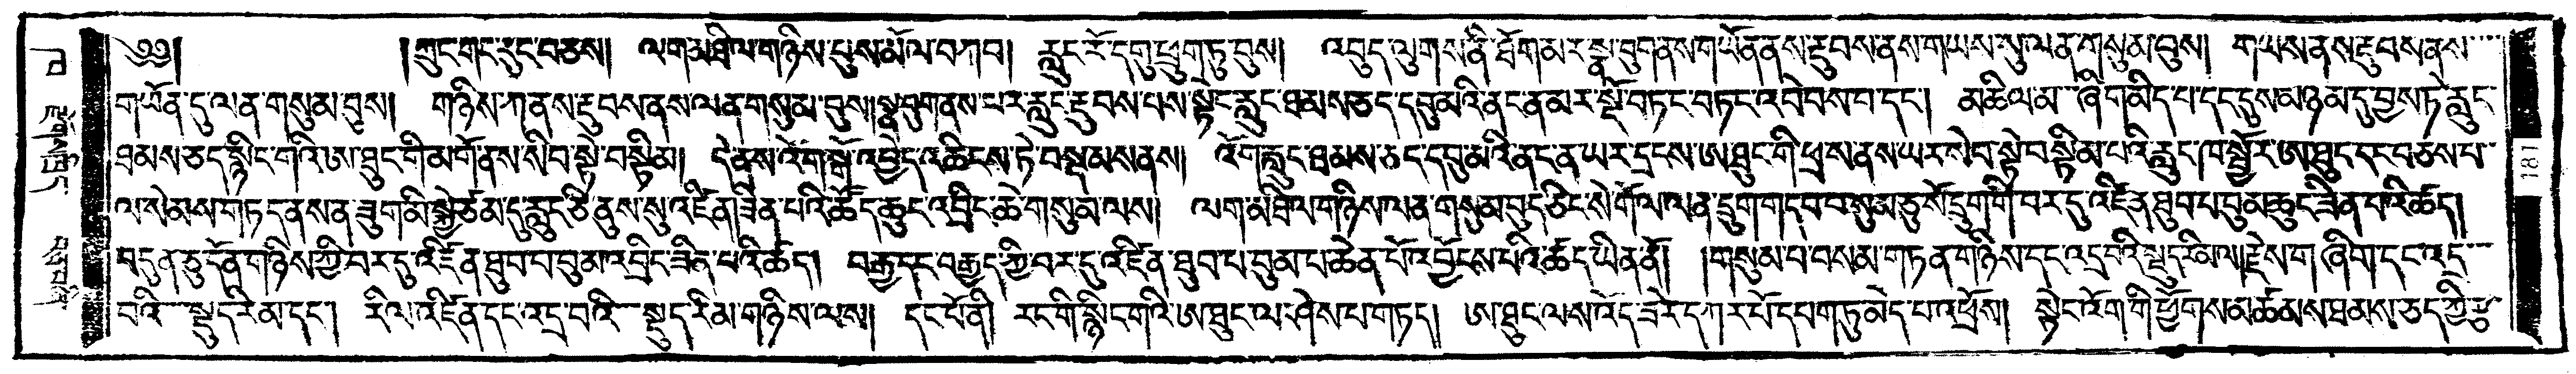༄༅། །ཀྲུང་གང་རུང་བཅས། ལག་མཐིལ་གཉིས་པུས་མོལ་བཀབ། རླུང་རོ་དགུ་ཕྲུག་ཏུ་བུས། འབུད་ལུགས་ནི་ཐོག་མར་སྣ་བུག་ནས་གཡོན་ནས་རྡུབས་ནས་གཡས་སུ་ལན་གསུམ་བུས། གཡས་ནས་རྡུབས་ནས་
གཡོན་དུ་ལན་གསུམ་བུས། གཉིས་ཀ་ནས་རྡུབས་ནས་ལན་གསུམ་བུས། སྣ་བུག་ནས་པར་རླུང་རྡུབས་པས་སྟེང་རླུང་ཐམས་ཅད་དབུ་མའི་ནང་ན་མར་སྔོ་བཏང་བཏང་འབེབས་པ་དང་། མཆིལ་མ་ཞིག་མིད་པ་དང་དུས་མཉམ་དུ་བྱས་ཏེ་རླུང་
ཐམས་ཅད་སྙིང་གའི་ཨ་ཐུང་གི་མགོ་ནས་སིབ་སྟེ་བསྟིམ། དེ་ནས་འོག་སྒོ་འབྱེད་འཆིངས་ཏེ་བསྡམས་ནས། འོག་རླུང་ཐམས་ཅད་དབུ་མའི་ནང་ན་ཡར་དྲངས་ཨ་ཐུང་གི་ཕྲས་ནས་ཡར་སེབ་སྟེ་བསྟིམ་པའི་རླུང་ཁ་སྦྱོར་ཨ་ཐུང་དང་བཅས་པ་
ལ་སེམས་གཏད་ནས་ན་ཟུག་མི་སྐྱེ་ཙམ་དུ་རླུང་ཅི་ནུས་སུ་འཛིན། ཟིན་པའི་ཚོད་ཆུང་འབྲིང་ཆེ་གསུམ་ལས། ལག་མཐིལ་གཉིས་ལན་གསུམ་བུད་ཅིང་སེ་གོལ་ལན་དྲུག་གདབ་པ་སུམ་ཅུ་སོ་དྲུག་གི་བར་དུ་འཛིན་ཐུབ་པ་བུམ་ཆུང་ཟིན་པའི་ཚད།
བདུན་ཅུ་དོན་གཉིས་ཀྱི་བར་དུ་འཛིན་ཐུབ་པ་བུམ་འབྲིང་ཟིན་པའི་ཚད། བརྒྱ་དང་བརྒྱད་ཀྱི་བར་དུ་འཛིན་ཐུབ་པ་བུམ་པ་ཆེན་པོ་འབྱོངས་པའི་ཚད་ཡིན་ནོ། །གསུམ་པ་བསམ་གཏན་གཉིས་དང་འདྲ་བའི་སྡུད་རིམ་ལ། རྗེས་གཞིག་དང་འདྲ་
བའི་སྡུད་རིམ་དང་། རིལ་འཛིན་དང་འདྲ་བའི་སྡུད་རིམ་གཉིས་ལས། དང་པོ་ནི། རང་གི་སྙིང་གའི་ཨ་ཐུང་ལ་ཤེས་པ་གཏད། ཨ་ཐུང་ལས་འོད་ཟེར་དཀར་པོ་དཔག་ཏུ་མེད་པ་འཕྲོས། སྟེང་འོག་གི་ཕྱོགས་མཚམས་ཐམས་ཅད་ཀྱི་རྩ་